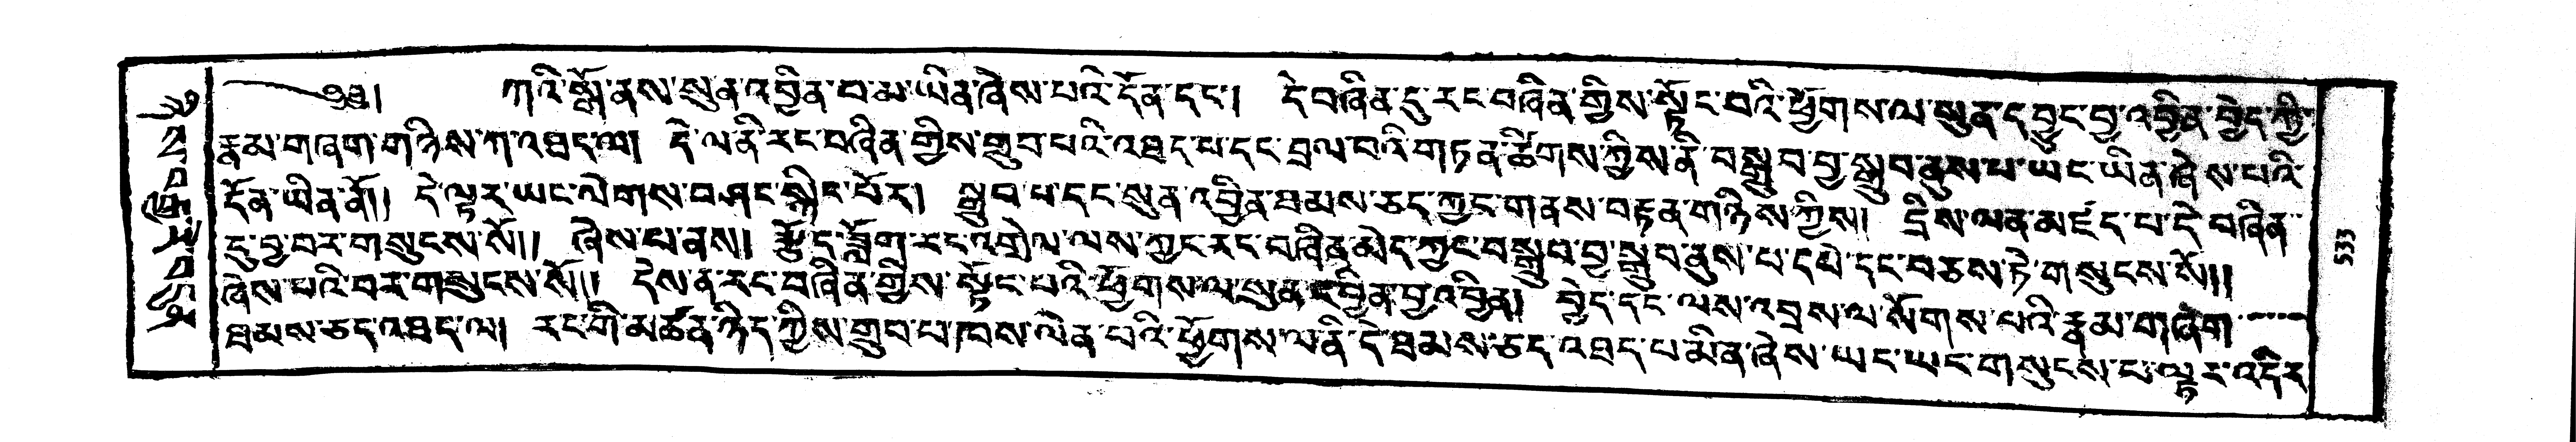༄༅། །ཀའི་སྒོ་ནས་སུན་འབྱིན་པ་མ་ཡིན་ཞེས་པའི་དོན་དང་། དེ་བཞིན་དུ་རང་བཞིན་གྱིས་སྟོང་བའི་ཕྱོགས་ལ་སུན་དབྱུང་བྱ་འབྱིན་བྱེད་ཀྱི་
རྣམ་གཞག་གཉིས་ཀ་འཐད་ལ། དེ་ལ་ནི་རང་བཞིན་གྱིས་གྲུབ་པའི་འཐད་པ་དང་བྲལ་བའི་གཏན་ཚིགས་ཀྱིས་ནི་བསྒྲུབ་བྱ་སྒྲུབ་ནུས་པ་ཡང་ཡིན་ཞེས་པའི་
དོན་ཡིན་ནོ། །དེ་ལྟར་ཡང་ལེགས་བཤད་སྙིང་པོར། སྒྲུབ་པ་དང་སུན་འབྱིན་ཐམས་ཅད་ཀྱང་གནས་བརྟན་གཉིས་ཀྱིས། དྲིས་ལན་མཛད་པ་དེ་བཞིན་
དུ་བྱ་བར་གསུངས་སོ། །ཞེས་པ་ནས། རྩོད་ཟློག་རང་འགྲེལ་ལས་ཀྱང་རང་བཞིན་མེད་ཀྱང་བསྒྲུབ་བྱ་སྒྲུབ་ནུས་པ་དཔེ་དང་བཅས་ཏེ་གསུངས་སོ། །
ཞེས་པའི་བར་གསུངས་སོ། །དེས་ན་རང་བཞིན་གྱིས་སྟོང་པའི་ཕྱོགས་ལ་སུན་དབྱིན་བྱ་འབྱིན། བྱེད་དང་ལས་འབྲས་ལ་སོགས་པའི་རྣམ་གཞག་
ཐམས་ཅད་འཐད་ལ། རང་གི་མཚན་ཉིད་ཀྱིས་གྲུབ་པ་ཁས་ལེན་པའི་ཕྱོགས་ལ་ནི་དེ་ཐམས་ཅད་འཐད་པ་མིན་ཞེས་ཡང་ཡང་གསུངས་པ་ལྟར་འདིར་